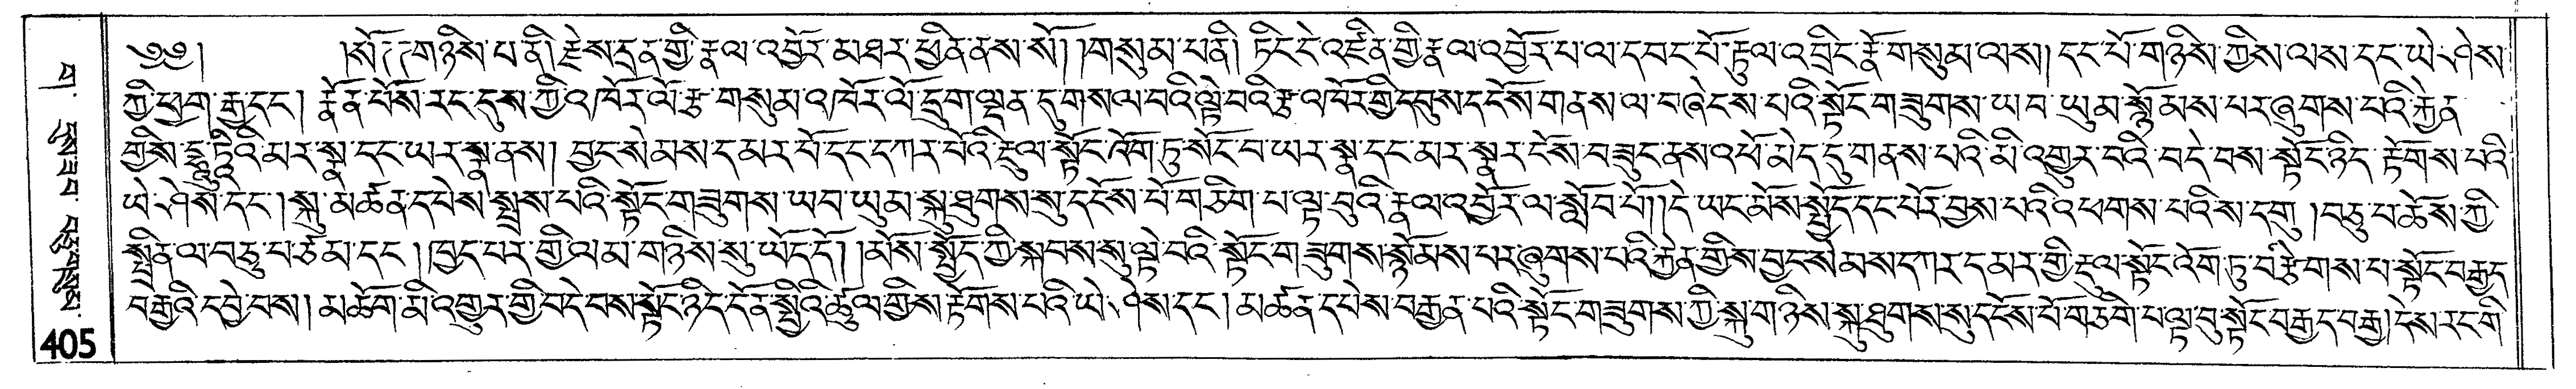༄༅། །སོ། །གཉིས་པ་ནི། རྗེས་དྲན་གྱི་རྣལ་འབྱོར་མཐར་ཕྱིན་ནས་སོ། །གསུམ་པ་ནི། ཏིང་ངེ་འཛིན་གྱི་རྣལ་འབྱོར་པ་ལ་དབང་པོ་རྟུལ་འབྲིང་རྣོ་གསུམ་ལས། དང་པོ་གཉིས་ཀྱིས་ལས་དང་ཡེ་ཤེས་
ཀྱི་ཕྱག་རྒྱ་དང་། རྣོན་པོས་རང་དུས་ཀྱི་འཁོར་ལོ་རྩ་གསུམ་འཁོར་ལོ་དྲུག་ལྡན་དུ་གསལ་བའི་ལྟེ་བའི་རྩ་འཁོར་གྱི་དབུས་དངོས་གནས་ལ་བཞེངས་པའི་སྟོང་གཟུགས་ཡབ་ཡུམ་སྙོམས་པར་ཞུགས་པའི་རྐྱེན་
གྱིས་དྷཱུ་ཏཱིའི་མར་སྣ་དང་ཡར་སྣ་ནས། བྱང་སེམས་དམར་པོ་དང་དཀར་པོའི་རྡུལ་སྟོང་འོག་ཏུ་སོང་བ་ཡར་སྣ་དང་མར་སྣར་ངོས་བཟུང་ནས་འཕོ་མེད་དུ་གནས་པའི་མི་འགྱུར་བའི་བདེ་བས་སྟོང་ཉིད་རྟོགས་པའི་
ཡེ་ཤེས་དང་། སྐུ་མཚན་དཔེས་སྤྲས་པའི་སྟོང་གཟུགས་ཡབ་ཡུམ་སྐུ་ཐུགས་སུ་དངོས་པོ་གཅིག་པ་ལྟ་བུའི་རྣལ་འབྱོར་ལ་སློབ་པོ། །དེ་ཡང་མོས་སྤྱོད་དང་པོར་བྱས་པའི་འཕགས་པའི་ས་དགུ །བཅུ་པ་ཆོས་ཀྱི་
སྤྲིན་ལ་བཅུ་པ་ཙམ་དང་། ཁྱད་པར་གྱི་ལམ་གཉིས་སུ་ཡོད་དོ། །མོས་སྤྱོད་ཀྱི་སྐབས་སུ་ལྟེ་བའི་སྟོང་གཟུགས་སྙོམས་པར་ཞུགས་པའི་རྐྱེན་གྱིས་བྱང་སེམས་དཀར་དམར་གྱི་རྡུལ་སྟོང་འོག་ཏུ་བརྩིགས་པ་སྟོང་བརྒྱད་
བརྒྱའི་དབྱེ་བས། མཆོག་མི་འགྱུར་གྱི་བདེ་བས་སྟོང་ཉིད་དོན་སྤྱིའི་ཚུལ་གྱིས་རྟོགས་པའི་ཡེ་ཤེས་དང་། མཚན་དཔེས་བརྒྱན་པའི་སྟོང་གཟུགས་ཀྱི་སྐུ་གཉིས་སྐུ་ཐུགས་སུ་དངོས་པོ་གཅིག་པ་ལྟ་བུ་སྟོང་བརྒྱད་བརྒྱ། དེས་རང་གི་